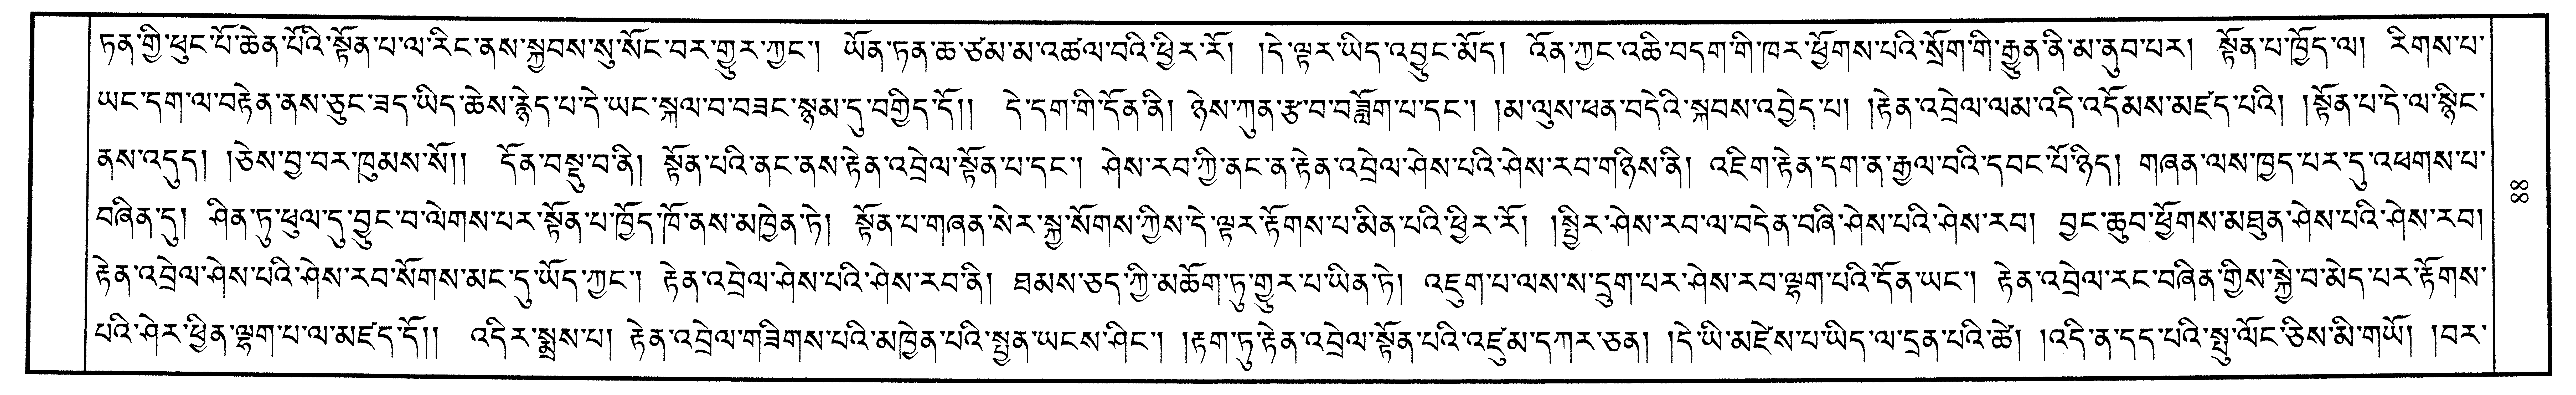ཏན་གྱི་ཕུང་པོ་ཆེན་པོའི་སྟོན་པ་ལ་རིང་ནས་སྐྱབས་སུ་སོང་བར་གྱུར་ཀྱང་། ཡོན་ཏན་ཆ་ཙམ་མ་འཚལ་བའི་ཕྱིར་རོ། །དེ་ལྟར་ཡིད་འབྱུང་མོད། འོན་ཀྱང་འཆི་བདག་གི་ཁར་ཕྱོགས་པའི་སྲོག་གི་རྒྱུན་ནི་མ་ནུབ་པར། སྟོན་པ་ཁྱོད་ལ། རིགས་པ་
ཡང་དག་ལ་བརྟེན་ནས་ཅུང་ཟད་ཡིད་ཆེས་རྙེད་པ་དེ་ཡང་སྐལ་བ་བཟང་སྙམ་དུ་བགྱིད་དོ།། དེ་དག་གི་དོན་ནི། ཉེས་ཀུན་རྩ་བ་བཟློག་པ་དང་། །མ་ལུས་ཕན་བདེའི་སྐབས་འབྱེད་པ། །རྟེན་འབྲེལ་ལམ་འདི་འདོམས་མཛད་པའི། །སྟོན་པ་དེ་ལ་སྙིང་
ནས་འདུད། །ཅེས་བྱ་བར་ཁུམས་སོ།། དོན་བསྡུ་བ་ནི། སྟོན་པའི་ནང་ནས་རྟེན་འབྲེལ་སྟོན་པ་དང་། ཤེས་རབ་ཀྱི་ནང་ན་རྟེན་འབྲེལ་ཤེས་པའི་ཤེས་རབ་གཉིས་ནི། འཇིག་རྟེན་དག་ན་རྒྱལ་བའི་དབང་པོ་ཉིད། གཞན་ལས་ཁྱད་པར་དུ་འཕགས་པ་
བཞིན་དུ། ཤིན་ཏུ་ཕུལ་དུ་བྱུང་བ་ལེགས་པར་སྟོན་པ་ཁྱོད་ཁོ་ནས་མཁྱེན་ཏེ། སྟོན་པ་གཞན་སེར་སྐྱ་སོགས་ཀྱིས་དེ་ལྟར་རྟོགས་པ་མིན་པའི་ཕྱིར་རོ། །སྤྱིར་ཤེས་རབ་ལ་བདེན་བཞི་ཤེས་པའི་ཤེས་རབ། བྱང་ཆུབ་ཕྱོགས་མཐུན་ཤེས་པའི་ཤེས་རབ།
རྟེན་འབྲེལ་ཤེས་པའི་ཤེས་རབ་སོགས་མང་དུ་ཡོད་ཀྱང་། རྟེན་འབྲེལ་ཤེས་པའི་ཤེས་རབ་ནི། ཐམས་ཅད་ཀྱི་མཆོག་ཏུ་གྱུར་པ་ཡིན་ཏེ། འཇུག་པ་ལས་ས་དྲུག་པར་ཤེས་རབ་ལྷག་པའི་དོན་ཡང་། རྟེན་འབྲེལ་རང་བཞིན་གྱིས་སྐྱེ་བ་མེད་པར་རྟོགས་
པའི་ཤེར་ཕྱིན་ལྷག་པ་ལ་མཛད་དོ།། འདིར་སྨྲས་པ། རྟེན་འབྲེལ་གཟིགས་པའི་མཁྱེན་པའི་སྤྱན་ཡངས་ཤིང་། །རྟག་ཏུ་རྟེན་འབྲེལ་སྟོན་པའི་འཛུམ་དཀར་ཅན། །དེ་ཡི་མཛེས་པ་ཡིད་ལ་དྲན་པའི་ཚེ། །འདི་ན་དད་པའི་སྤུ་ལོང་ཅིས་མི་གཡོ། །བར་